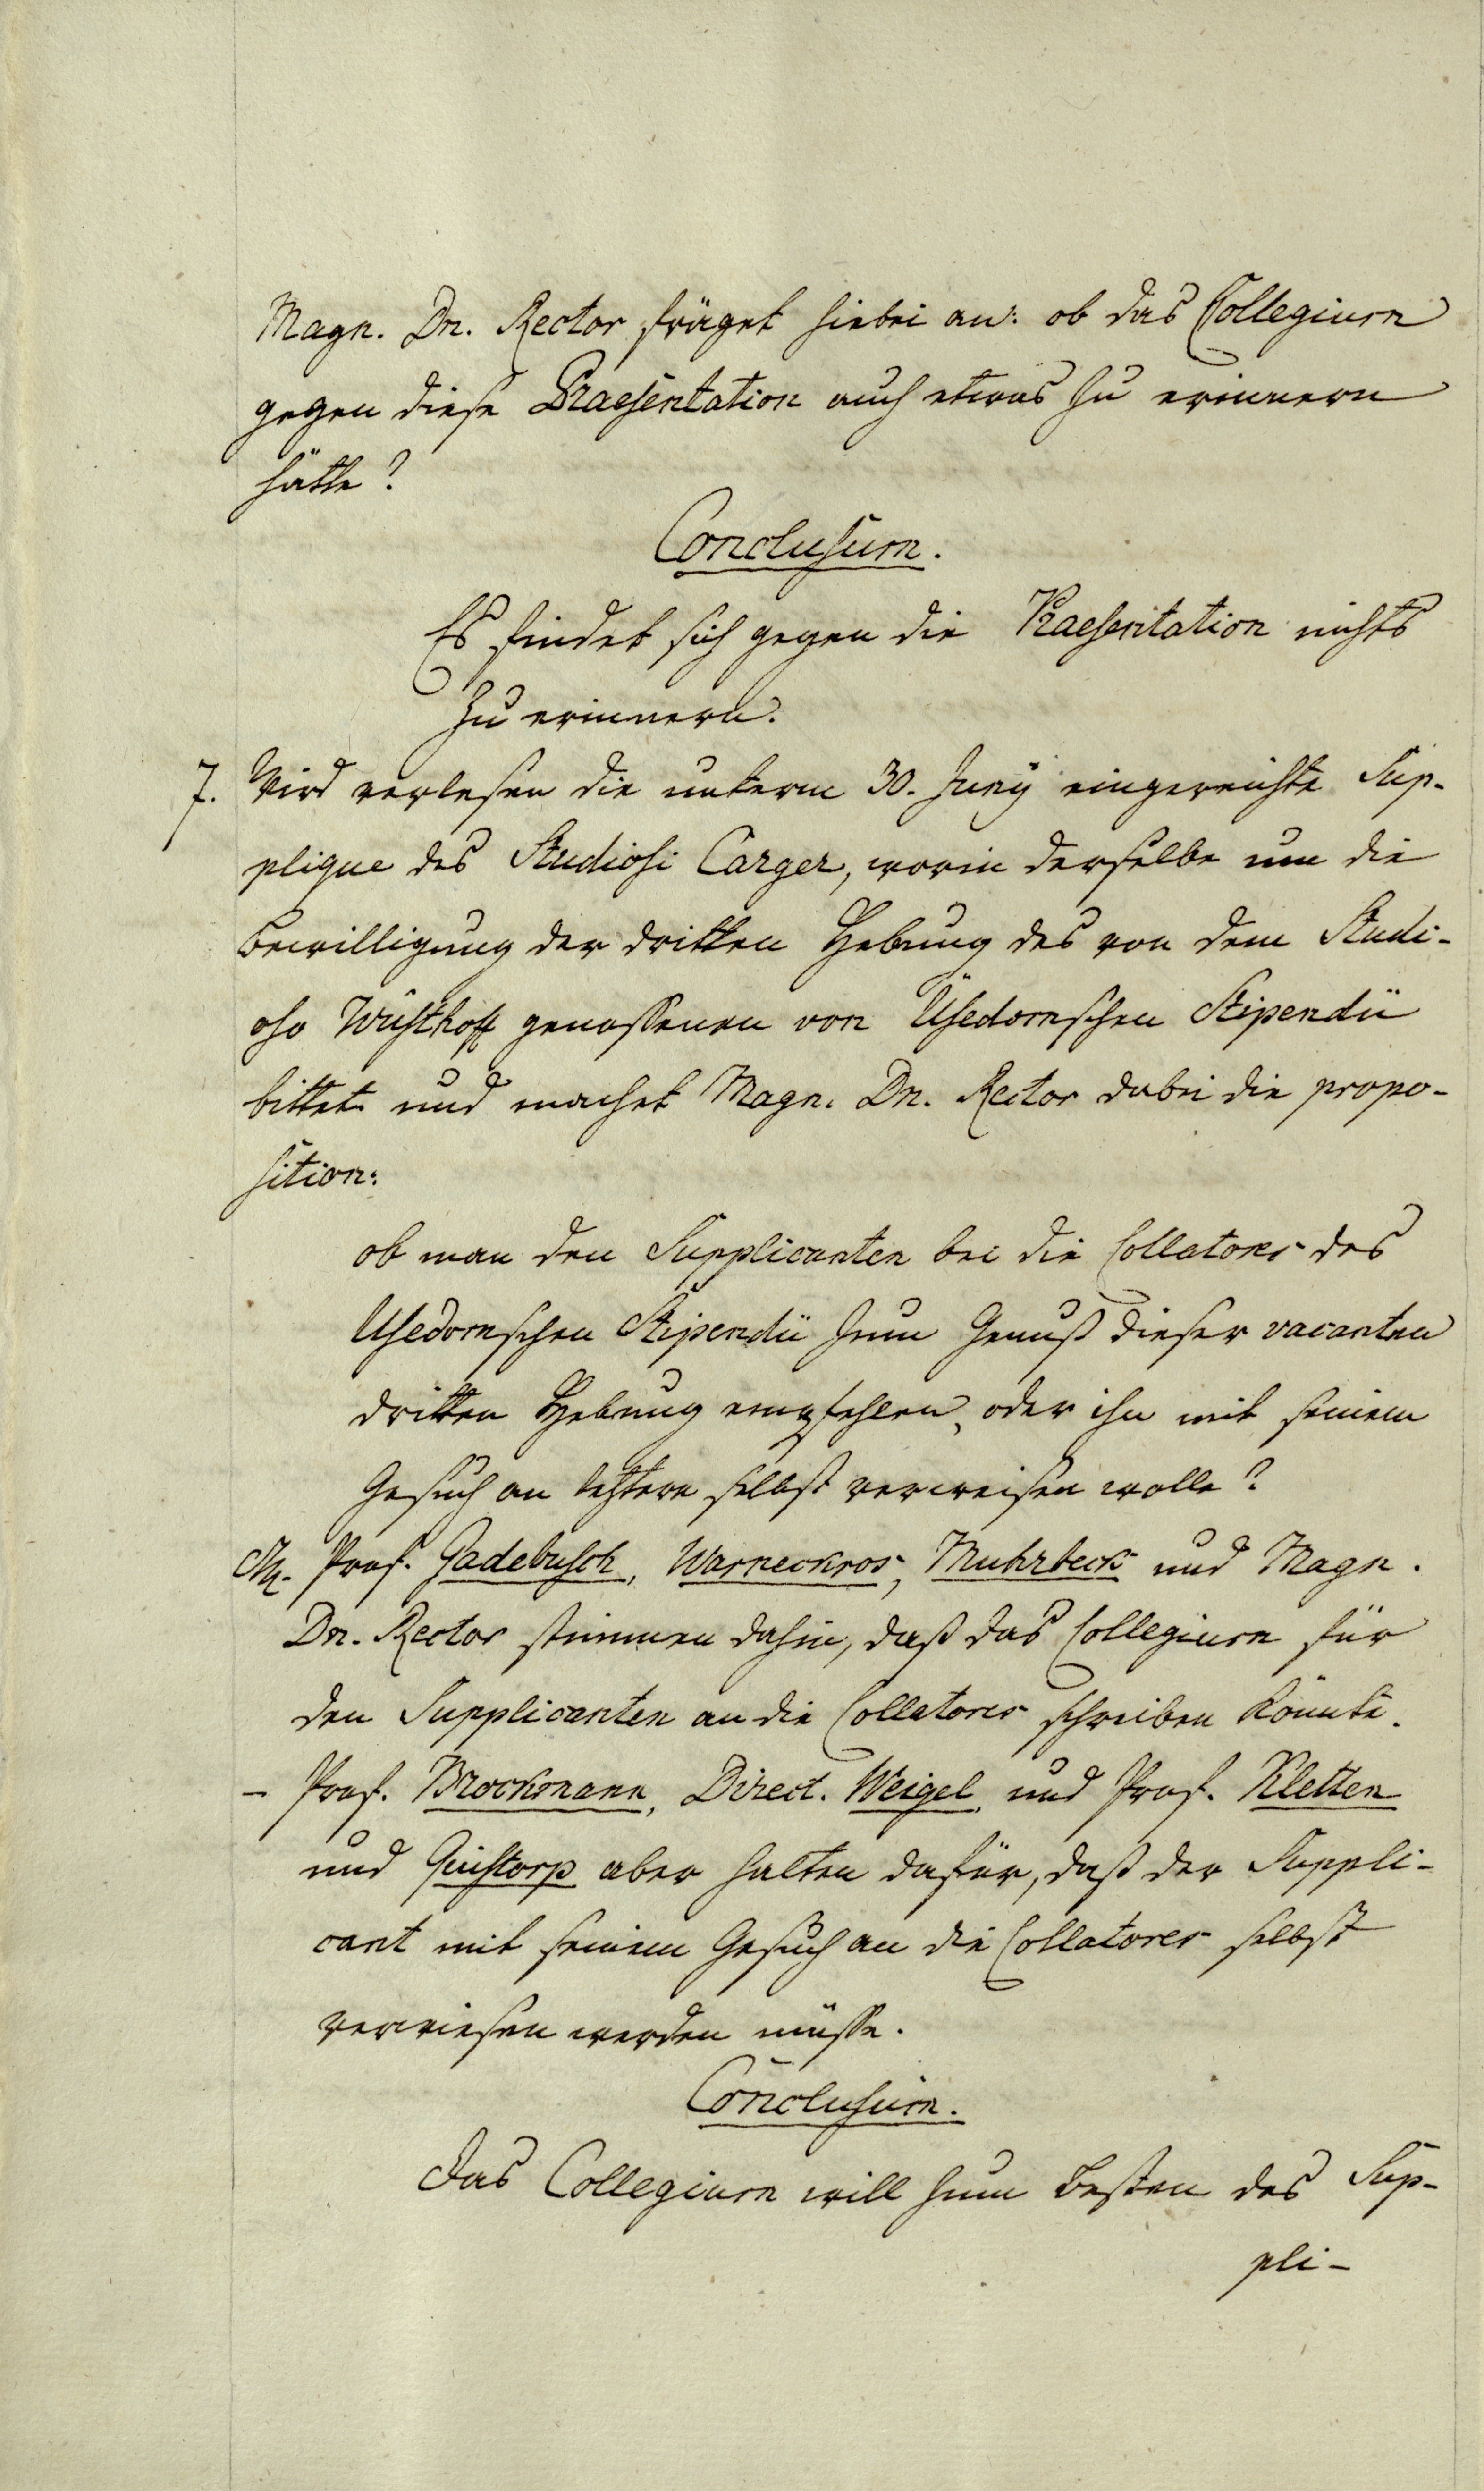Magn. Dn. Rector fräget hiebei an: ob das Collegium
gegen diese Praesentation auch etwas zu erinnern
hätte?
Conclusum.
Es findet sich gegen die Praesentation nichts
zu erinnern.
7. Wird verlesen die unterm 30. Junÿ eingereichte Sup¬
plique des Studiosi Carger, worin derselbe um die
Bewilligung der dritten Hebung des von dem Studi¬
oso Wüsthoff genossenen von Usedomschen Stipendii
bittet und machet Magn. Dn. Rector dabei die propo¬
sition:
ob man den Supplicanten bei die Collatores des
Usedomschen Stipendii zum genuß dieser vacanten
dritten Hebung empfehlen, oder ihn mit seinem
Gesuch an letztern selbst verweisen wolle?
dh. Prof. Gadebusch, Warneckros, Muhrbeck und Magn.
Dn. Rector stimmen dafür, daß das Collegium für
den Supplicanten an die Collatores schreiben könnte
— Prof. Brockmann, Direct. Weigel und Prof. Kletten
und Quistorp aber halten dafür, daß der Suppli¬
cant mit seinem Gesuch an die Collatores selbst
verweisen werden müsse.
Conclusum.
Das Collegium will zum Besten des Sup¬
pli¬